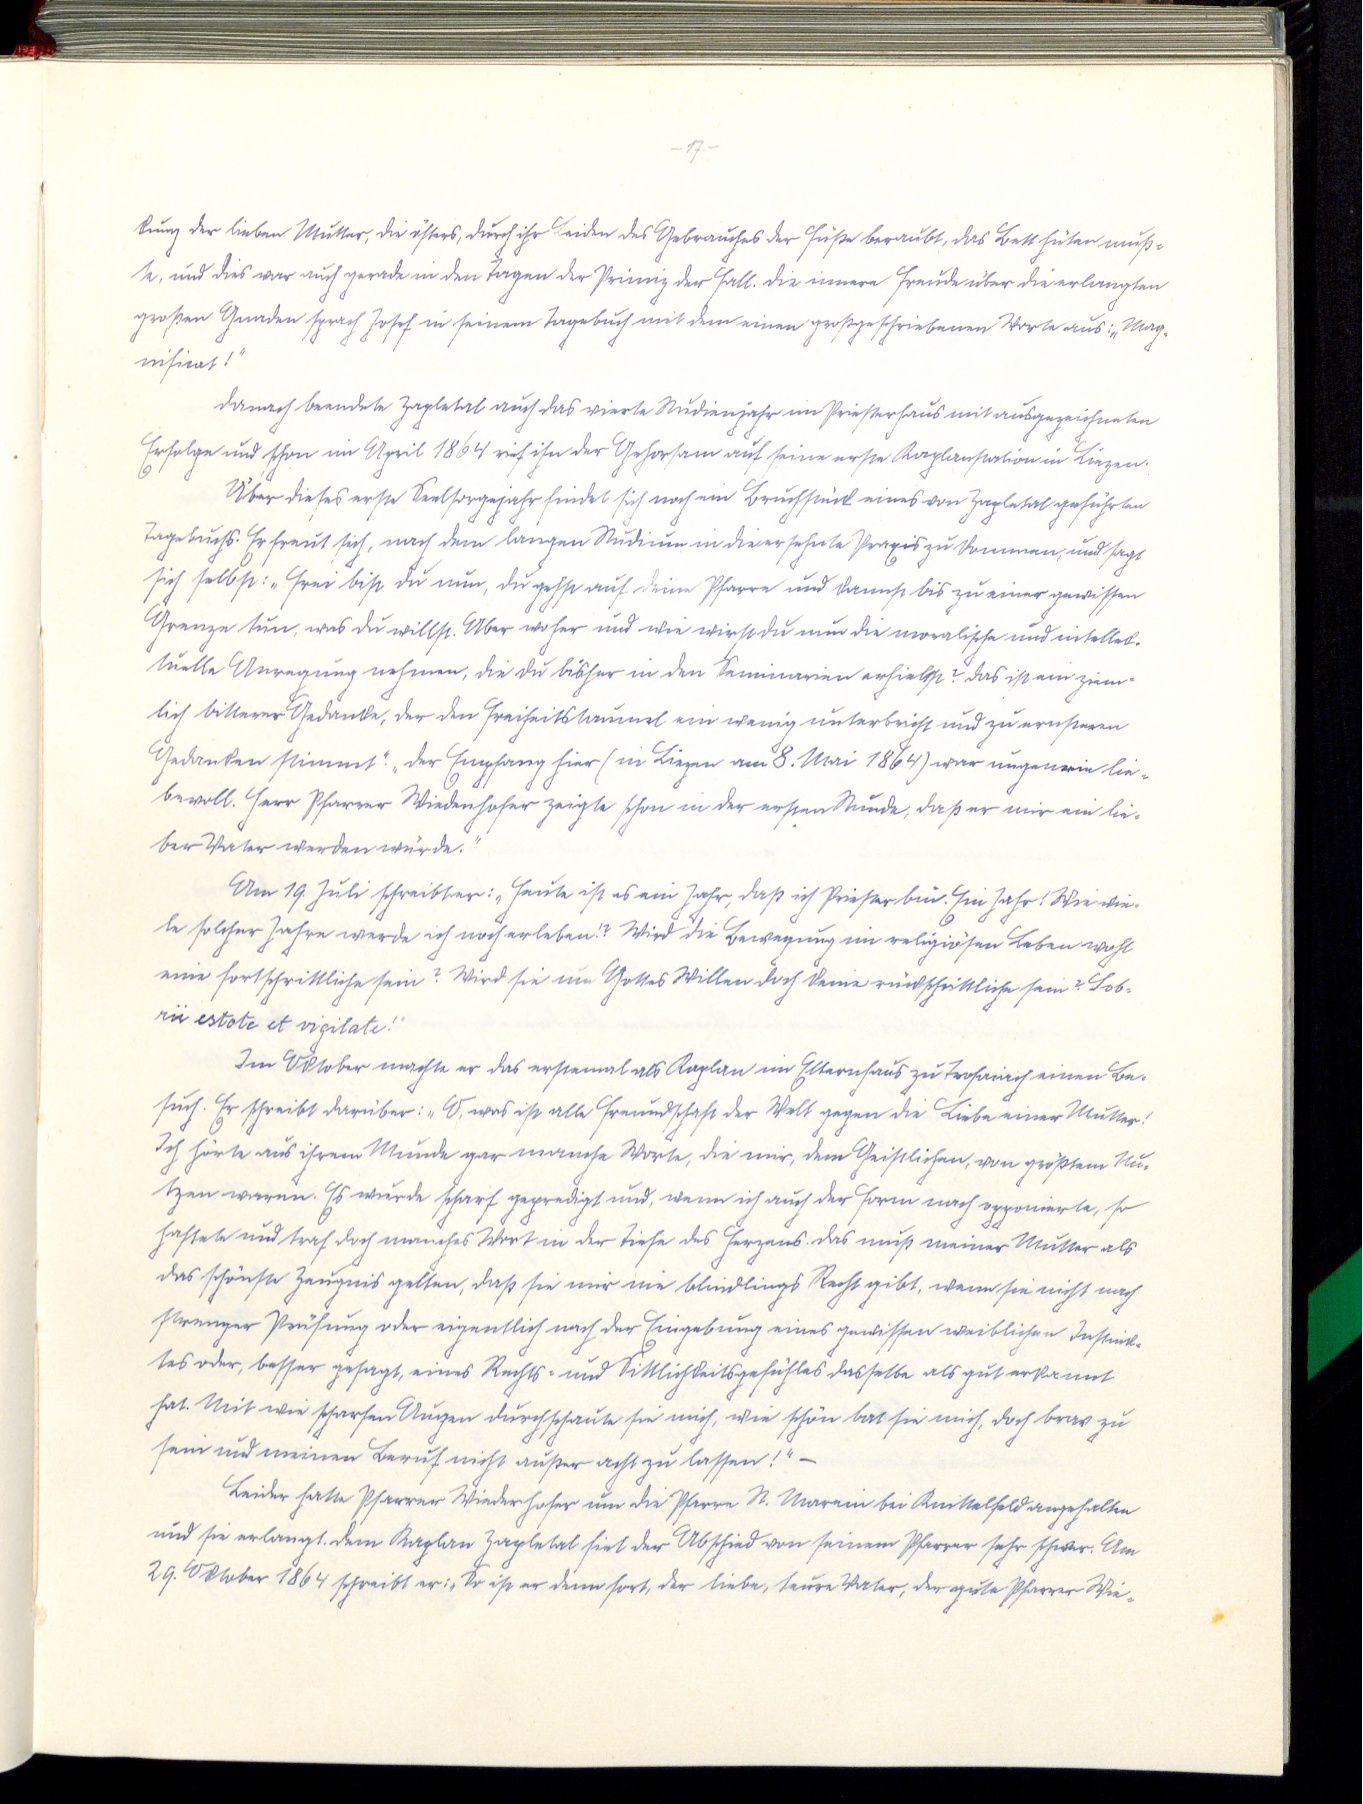-17.-
kung der lieben Mutter, die öfters durch ihr Leiden des Gebrauches der Füße beraubt, das Bett hüten muß-
te, und dies war auch gerade in den Tagen der Primiz der Fall. Die innere Freüde über die erlangten
großen Gnaden sprach Josef in seinem Tagebuch mit dem einen großgeschriebenen Worte aus: "Mag-
nificat!"
Danach beendete Zapletal auch das vierte Studienjahr im Priesterhaus mit ausgezeichneten
Erfolgen und schon im April 1864 rief ihn der Gehorsam auf seine erste Kaplanstation in Liezen.
Über dieses erste Seelsorgejahr findet sich noch ein Bruchstück eines von Zapletal geführten
Tagebuchs. Erf freut sich, nach dem langen Studium in die ersehnte Prasix zu kommen, und sagt
sich selbst: "Frei bist du nun, du gehst uf deine Pfarre und kannst bis zu einer gewissen
Grenze tun, was du willst. Aber woher und wie wirst du nun die menschliche und intellek-
tuelle Anregungen mehren, die du bisher in den Seminarien erhiltst? Das ist ein ziem-
lich bitterer Gedanke, der den Freiheitsbaumel ein wenig unterbricht und zu ernsteren
Gedanken stimmt." "Der Empfang hier 8in Liezen am 8. Mail 1864) war ungemein lie-
bevoll. Herr Pfarrer Wiedenhofer zeigte schon in der ersten Stunde, daß er mir ein lie-
ber Vater werden würde."
Am 19. Juli schreibt er: "Heute ist es ein Jahr, daß ich Priester bin. Ein Jahr! Wie viel-
le solcher Jahre werde ich noch erleben!? Wird die Bewegung im religiösen Leben wohl
eine fortschrittliche sein? Wird sie in Gottes Willen doch kaum rückschrittlich sein? Sob-
rii estote et vigilate!"
Im Oktober machte er das erstemal als Kaplan im Elternhaus zu Trofaich einen Be-
such. Er schreibt darüber: "O, wast ist alle Freundschaft der Welt gegen die Liebe einer Mutter!
Ich hörte aus ihrem MUnde gar manche Worte, die mir, dem Geistlichen, von größtem Nu-
tzen waren. Es wurde scharf gepredigt und, wenn ich auch der Form nach opponierte, so
haftete und traf doch manches Wort in der Tiefe des Herzenzs. Das muß meiner Mutter als
das schönste Zeugnis gelten, daß sie mir nie blindlings Recht gibt, wenn sie nicht nach
strenger Prüfung oder eigentlich nach der Eingebung eines gewissen weiblichen Instink-
tes oder, besser gesagt, eines Rechts- und Sittlichkeitsgefühles dasselbe als gut anerkannt
hat. Mit wie scharfen Augen durchschaute sie mich, wie schön bat sie mich, doch brav zu
sein und meinen Beruf nicht außer Acht zu lassen!"
Leider hatte Pfarrer Wiederhofer um die Pfarre St. Marien bei Knittelfeld angesucht
und sie erlangt. Dem Kaplan Zapletat fiel der Abschied von seinem Pfarrer sehr schwer. Am
29. Oktober 1864 spricht er: "So ist er denn fort, der liebe, teure Vater, der gute Pfarrer Wie-